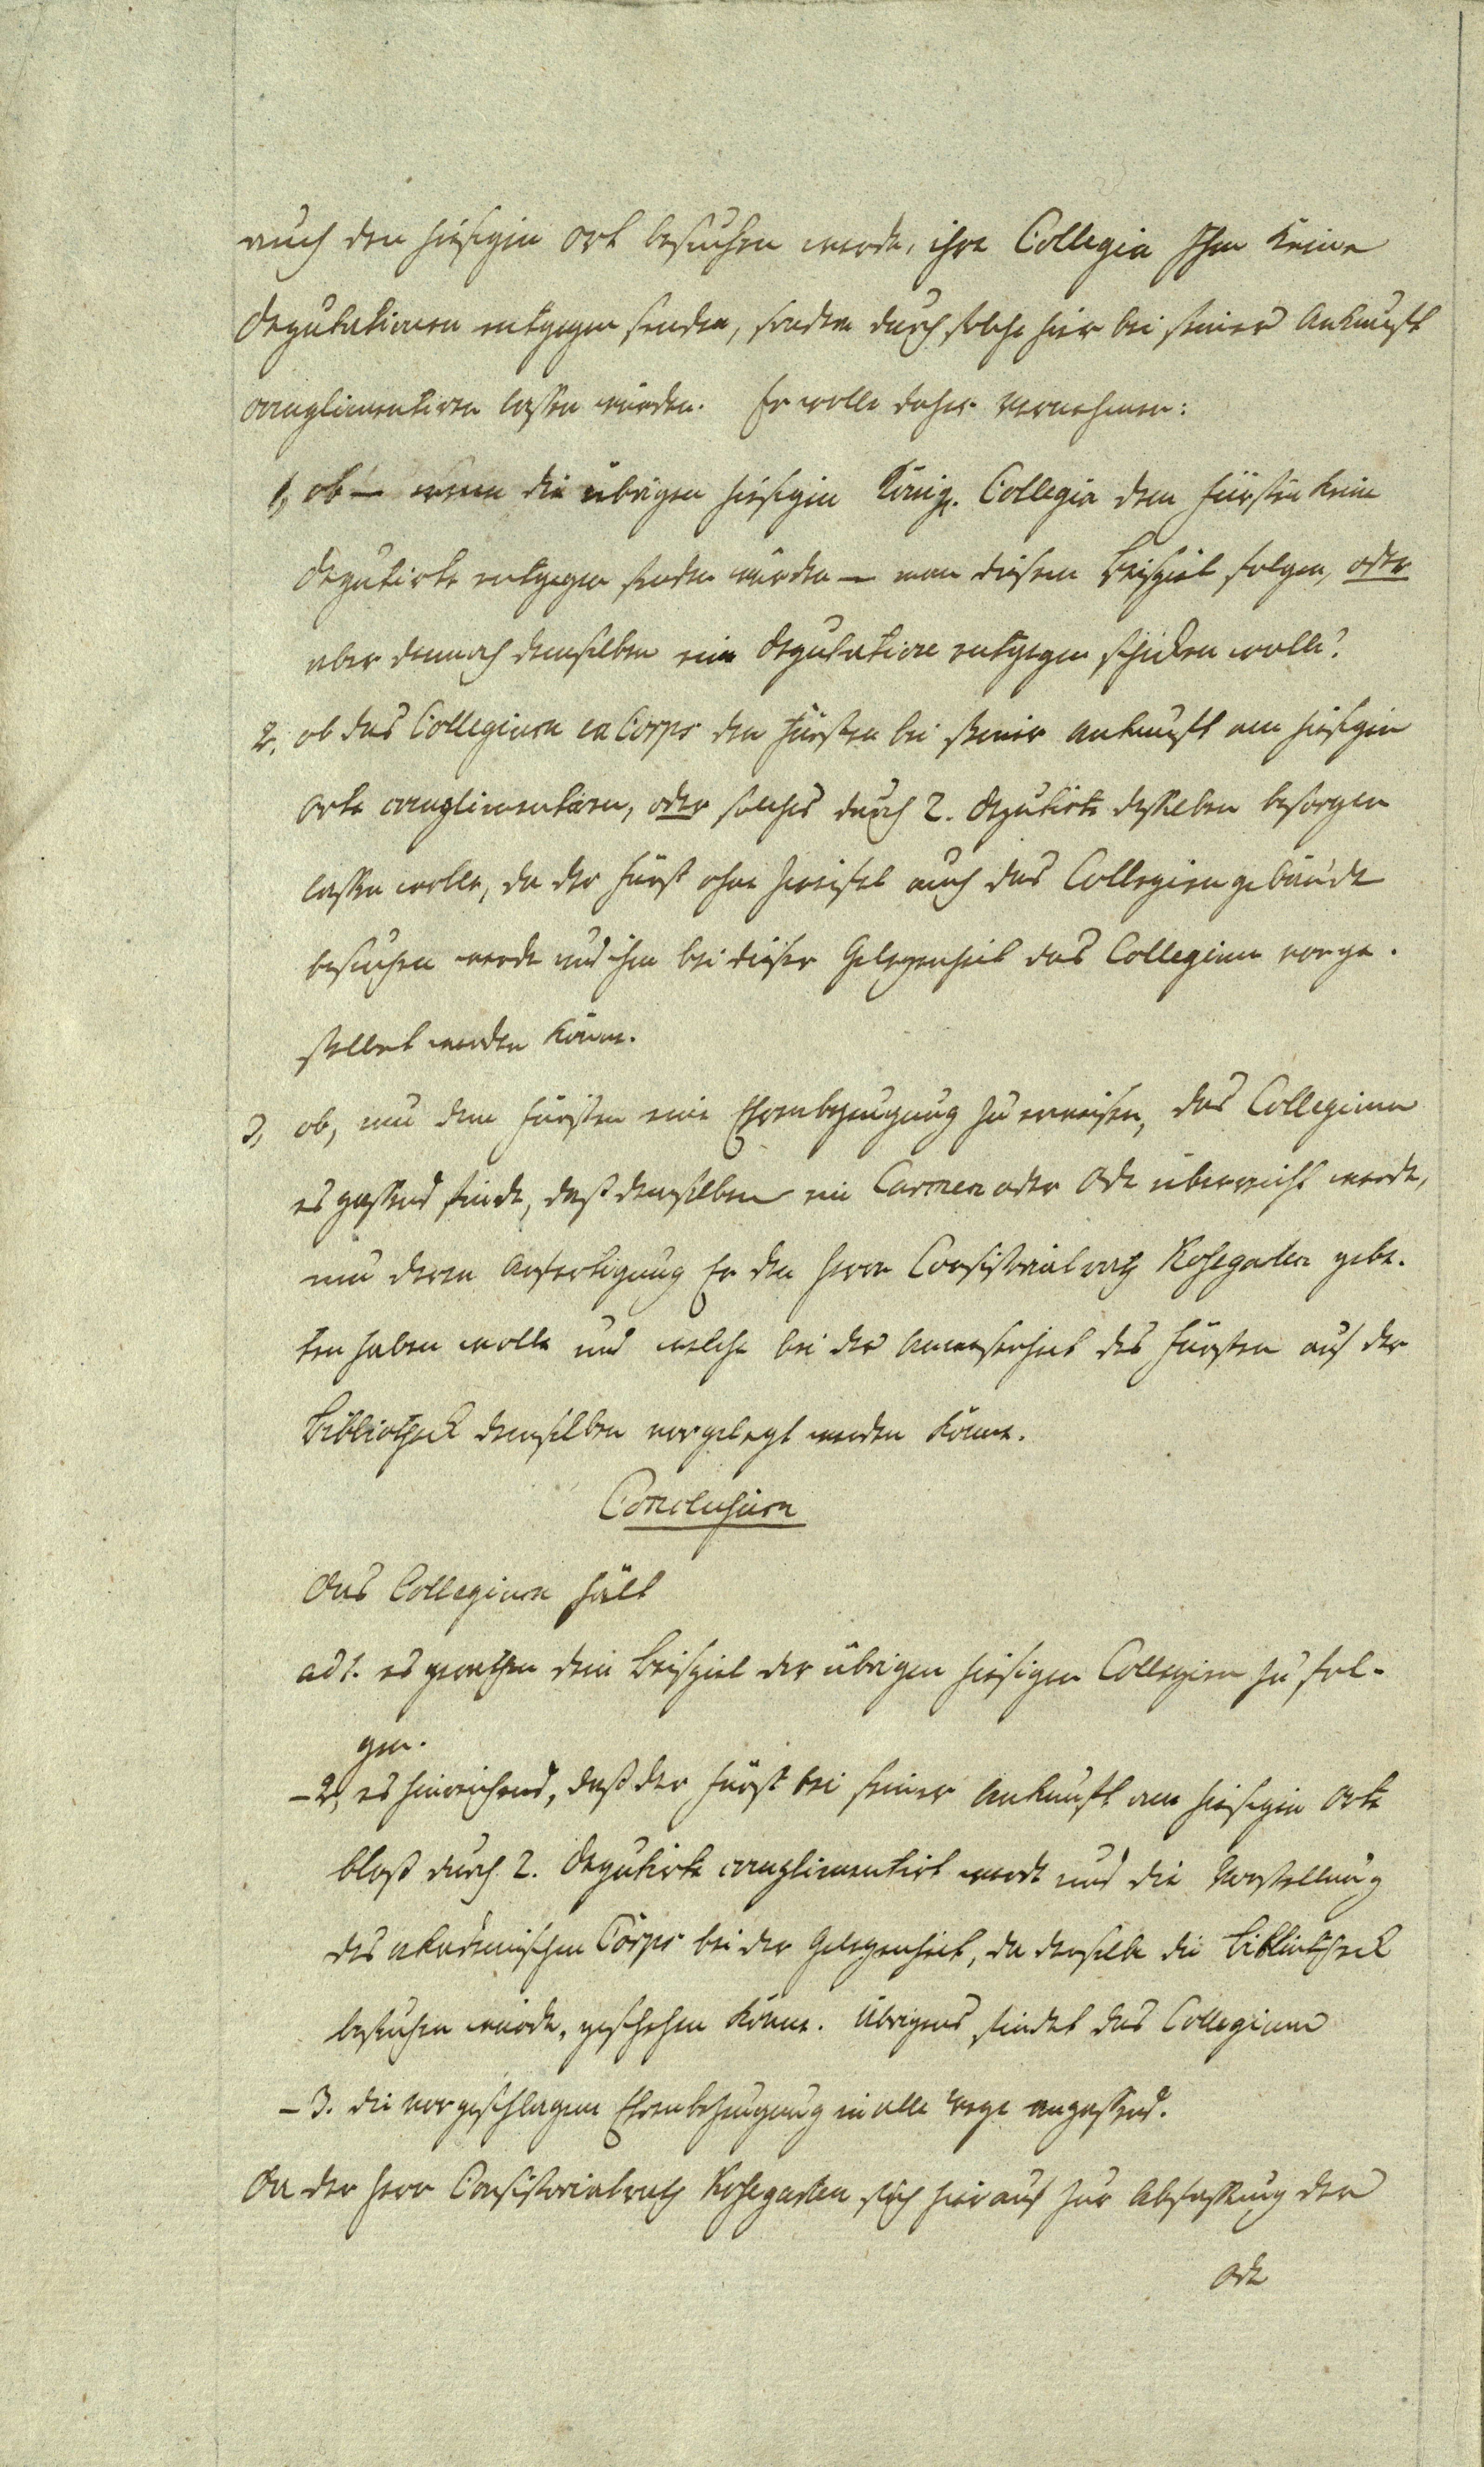auch den hiesigen Ort besuchen werde, ihre Collegia Ihm keine
Deputationen entgegen senden, sondern durch solche hier bei seiner Ankunft
complimentiren lassen würden. Er wolle daher vernehmen:
1. ob - wenn die übrigen hiesigen Königl. Collegia dem Fürsten keine
Deputirte entgegen senden würden - man diesem Beispiel folgen, oder
aber dennoch demselben eine Deputation entgegen schicken wolle?
2, ob das Collegium en Corps den Fürsten bei seiner Ankunft am hiesigen
Orte complimentiren, oder solches durch 2. Deputirte desselben besorgen
lassen wolle, da der Fürst ohne Zweifel auch das Collegiengebäude
besuchen werde und ihm bei dieser Gelegenheit das Collegium vorge¬
stellet werden könne.
3. ob, um dem Fürsten eine Ehrenbezeugung zu erweisen, das Collegium
es passend finde, daß demselben ein Carmen oder Ode überreicht werde,
nun deren Anfertigung Er den Herr Consistorialrath Kosegarten gebe¬
ten haben wolle und welche bei der Anwesenheit des Fürsten auf der
Bibliotheck demselben vorgelegt werden könne.
Conclusum
Das Collegium hält
ad 1. es gerathen dem Beispiel der übrigen hiesigen Collegien zu fol¬
gen.
2. es hinreichend, daß der Fürst bei seiner Ankunft am hiesigen Orte
bloß durch 2. Deputirte comlimentirt werde und die Vorstellung
des akademischen Corps bei der Gelegenheit, da derselbe die Bibliotheck
besuchen würde, geschehen könne. Übrigens findet das Collegium
3. die vorgeschlagen Ehrenbezeugung in alle Wege anpassend.
Da der Herr Consistorialrath Kosegarten sich hierauf zur Abfassung der
Ode